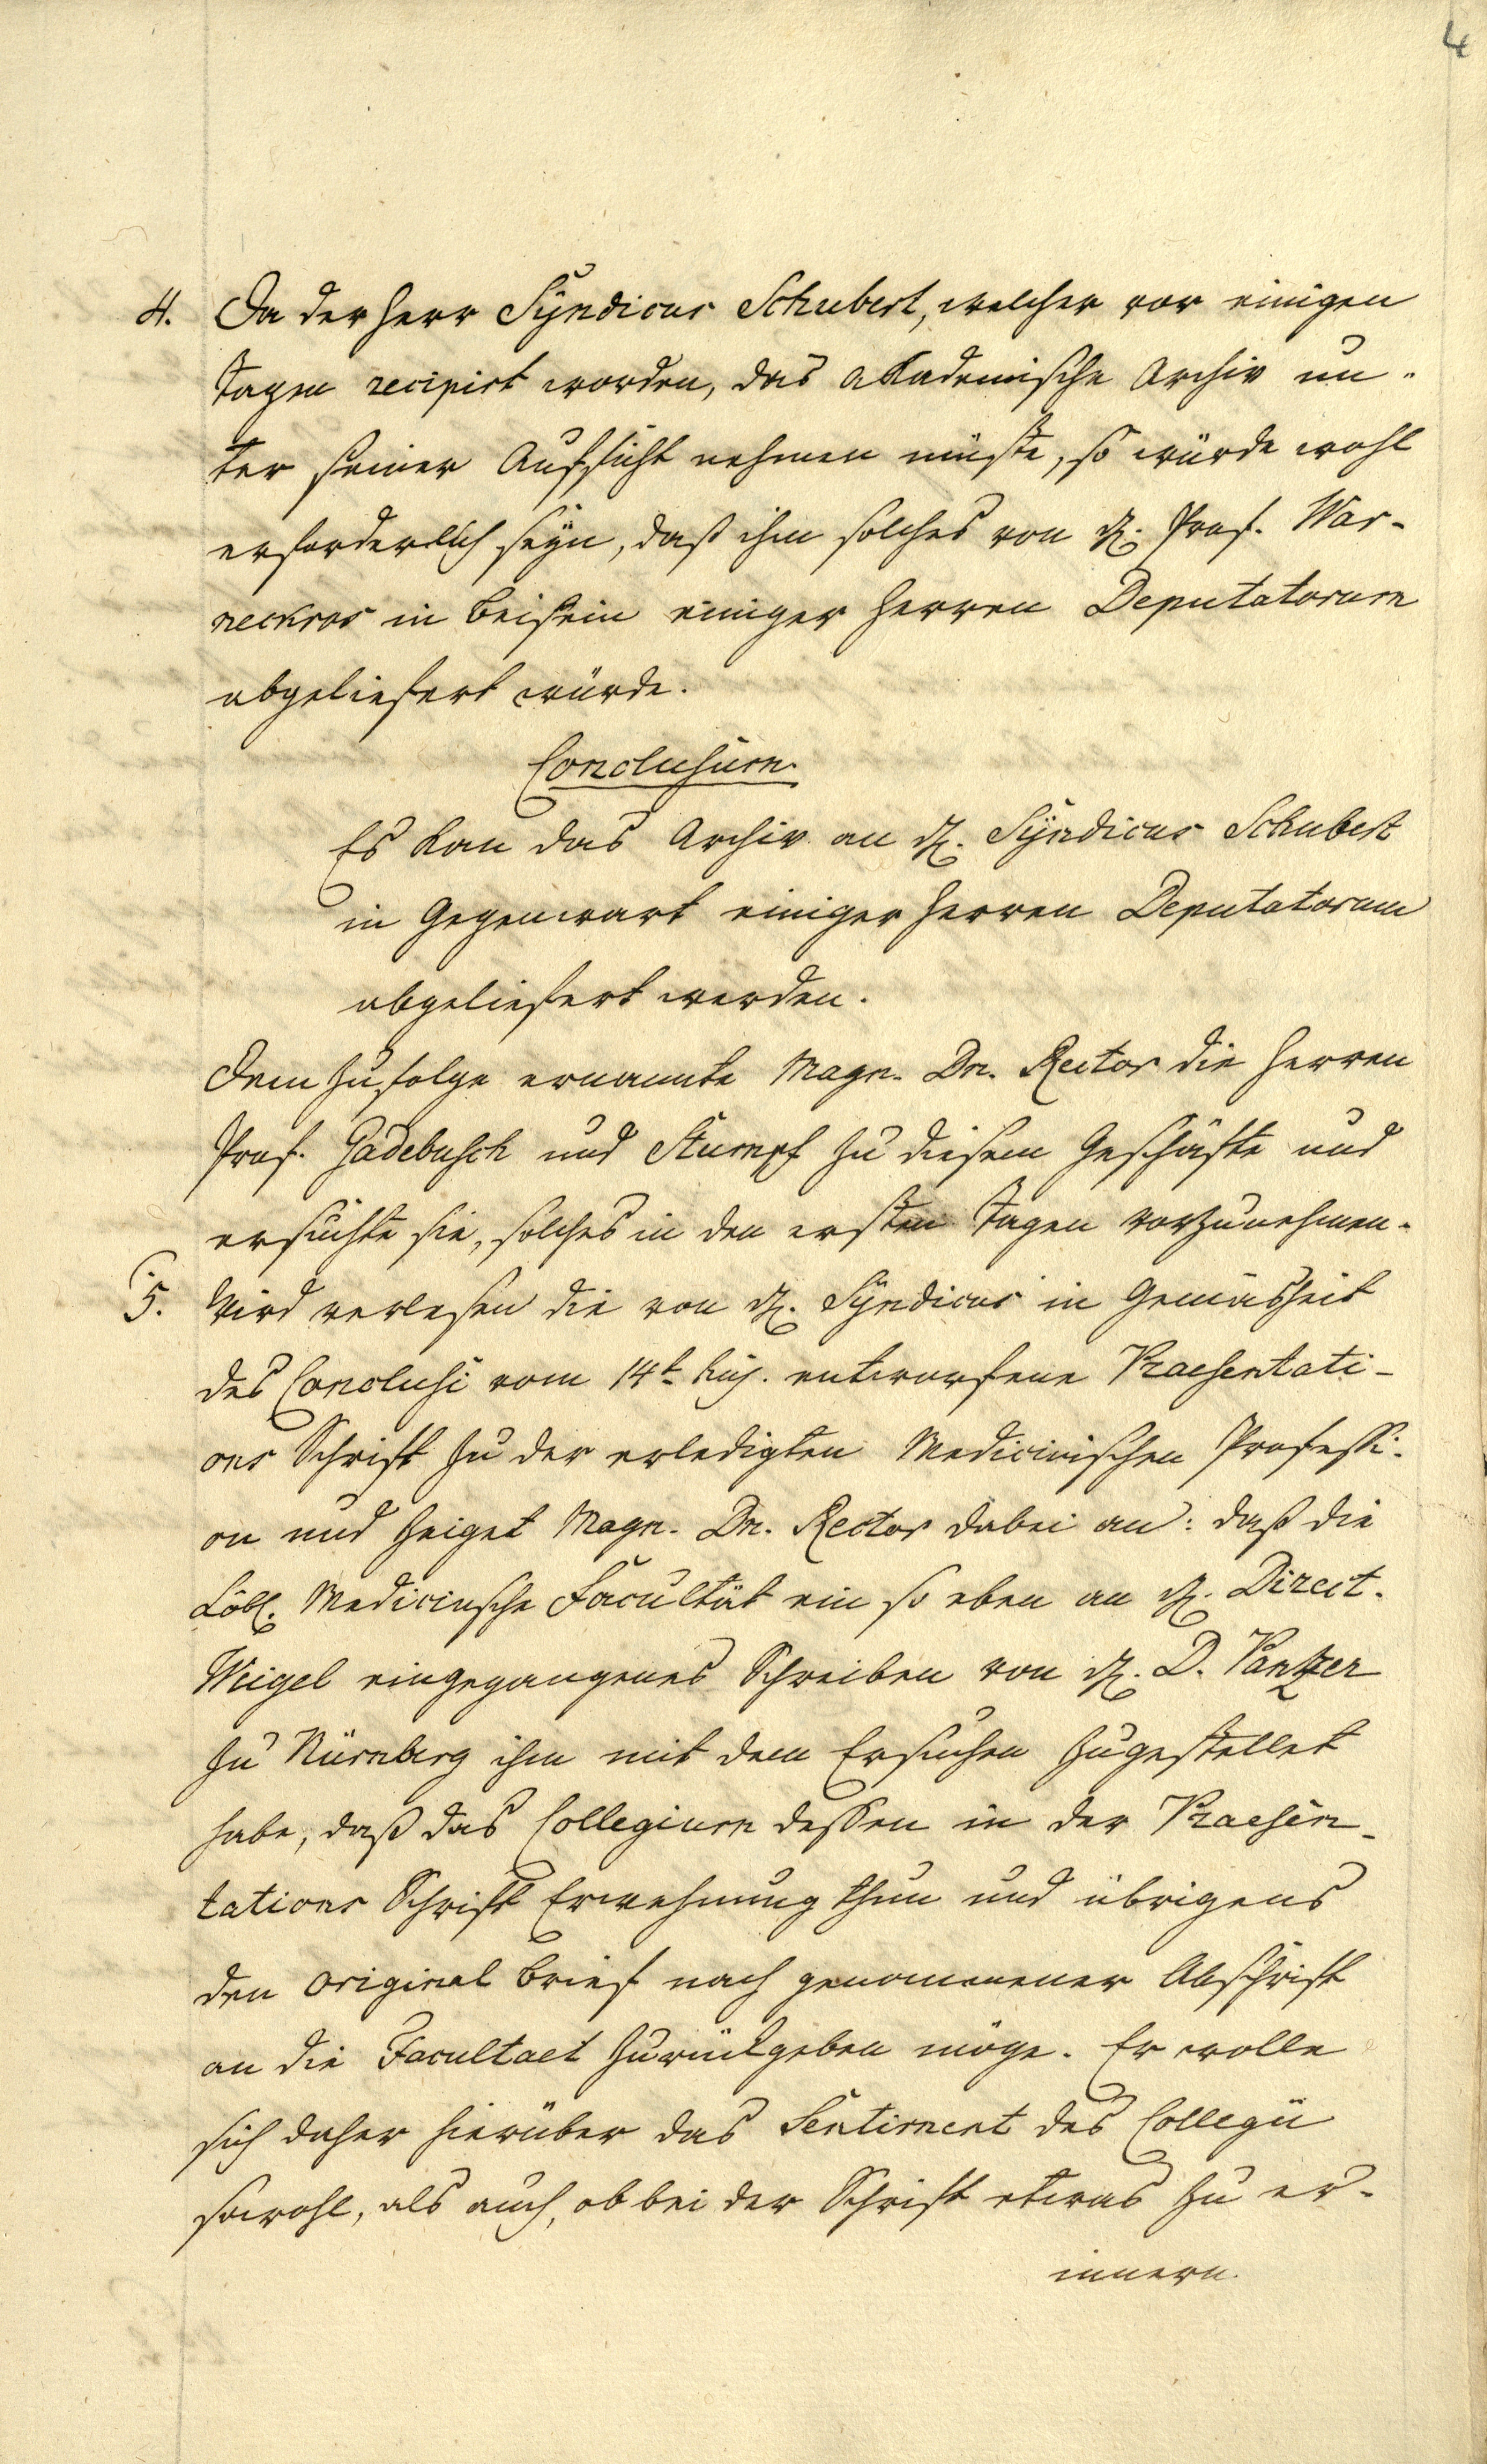4. Da der Herr Syndicus Schubert, welcher vor einigen
Tagen recipirt worden, das akademische Archvi un-
ter seiner Aufsicht nehmen müßte, so würde wohl
erforderlich seyn, daß ihm solches vom H. Prof. War-
neckros im Beisein einiger Herren Deputatorum
abgeliefert würde.
Conclusum.
Es kan das Archiv an dh. Syndicus Schubert
in Gegenwart einiger Herren Deputatorum
abgeliefert werden.
Demzufolge ernannte Magn. Dn. Rector die Herren
Prof. Gadebusch und Stumpf zu diesem Geschäfte und
ersuchte sie, solches in den ersten Tagen vorzunehmen.
5. Wird verlesen die von dh. Syndicus in Gemäsheit
des Conclusi vom 14t. huius entworfene Praesentati-
ons Schrift zu der erledigten Medicinischen Professi-
on und zeiget Magn. Dn. Rector dabei an: daß die
Löbl. Medicinische Facultät ein so eben an dh. Direct.
Weigel eingegangenes Schreiben von dh. D. Pantzer
zu Nürnberg ihm mit dem Ersuchen zugestellet
habe, daß das Collegium dessen in der Praesen-
tations Schrift Erwehnung thun und übrigens
den Original Brief nach genommener Abschrift
an die Facultaet zurückgeben möge. Er wolle
sich daher hierüber das Sentiment des Collegii
sowohl, als auch, ob bei der Schrift etwas zu er-
innern.